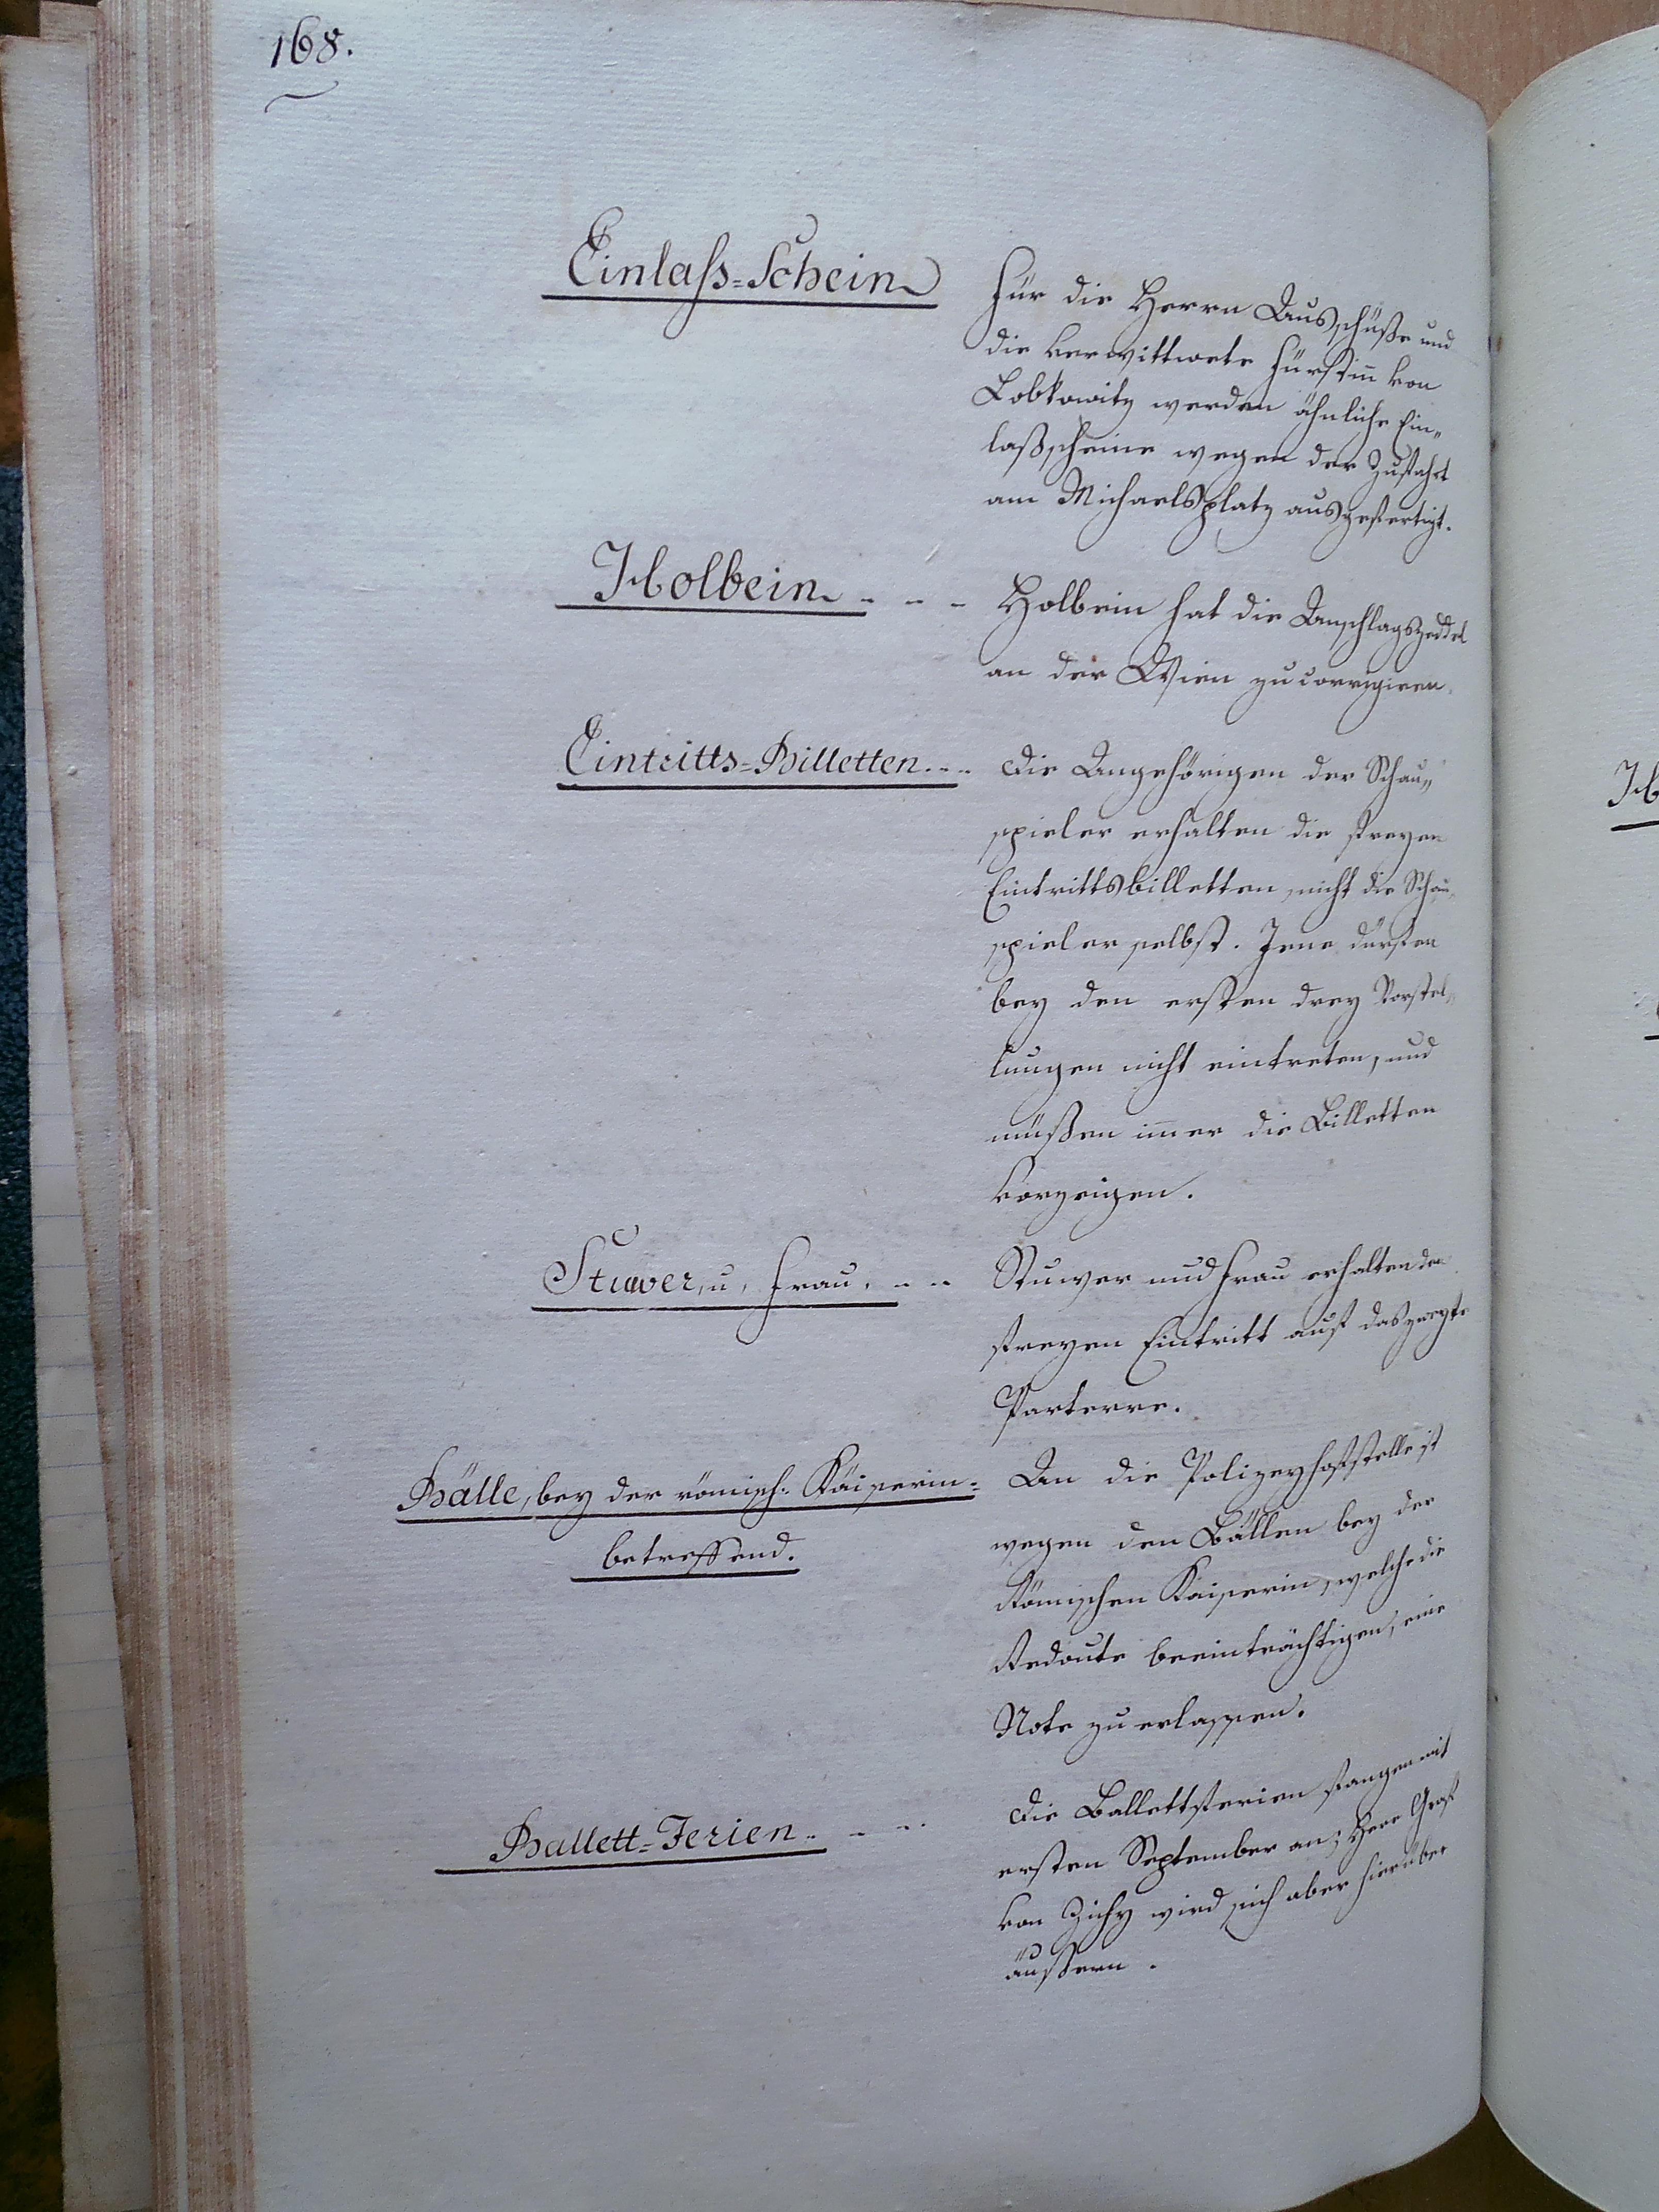168.
Einlass‗Schein Für die Herrn Ausschüße und
die verwittwete Fürstin̅ von
Lobkowitz werden ähnliche Einn¬
laßscheine wegen der Zufahrt
am Michaelsplatz ausgefertigt.
Holbein .. .. .. Holbein hat die Anschlagszeddel
an der Wien zucorrigiren.
Eintritts‗Billetten. .. .. Die Angehörigen der Schau¬
spieler erhalten die freyen
Eintrittsbilletten, nicht die Schau¬
spieler selbst. Jene dürfen
bey den ersten drey Vorstel¬
lungen nicht eintreten, und
müßen im̅er die Billetten
vorzeigen.
Stuwer, u, Frau. .. .. Stuwer und Frau erhalten den
freyen Eintritt auf das zweyte
Parterre.
Bälle, bey der römisch: Käiserin:
betreffend.
An die Polizeyhofstelle ist.
wegen den Bällen bey der
Römischen Kaiserin, welche die
Redoute beeinträchtigen, eine
Note zu erlassen.
Ballett‗Ferien. .. .. . Die Ballettferien fangen mit
ersten September an, Herr Graf
von Zichy wird sich aber hierüber
äußern.